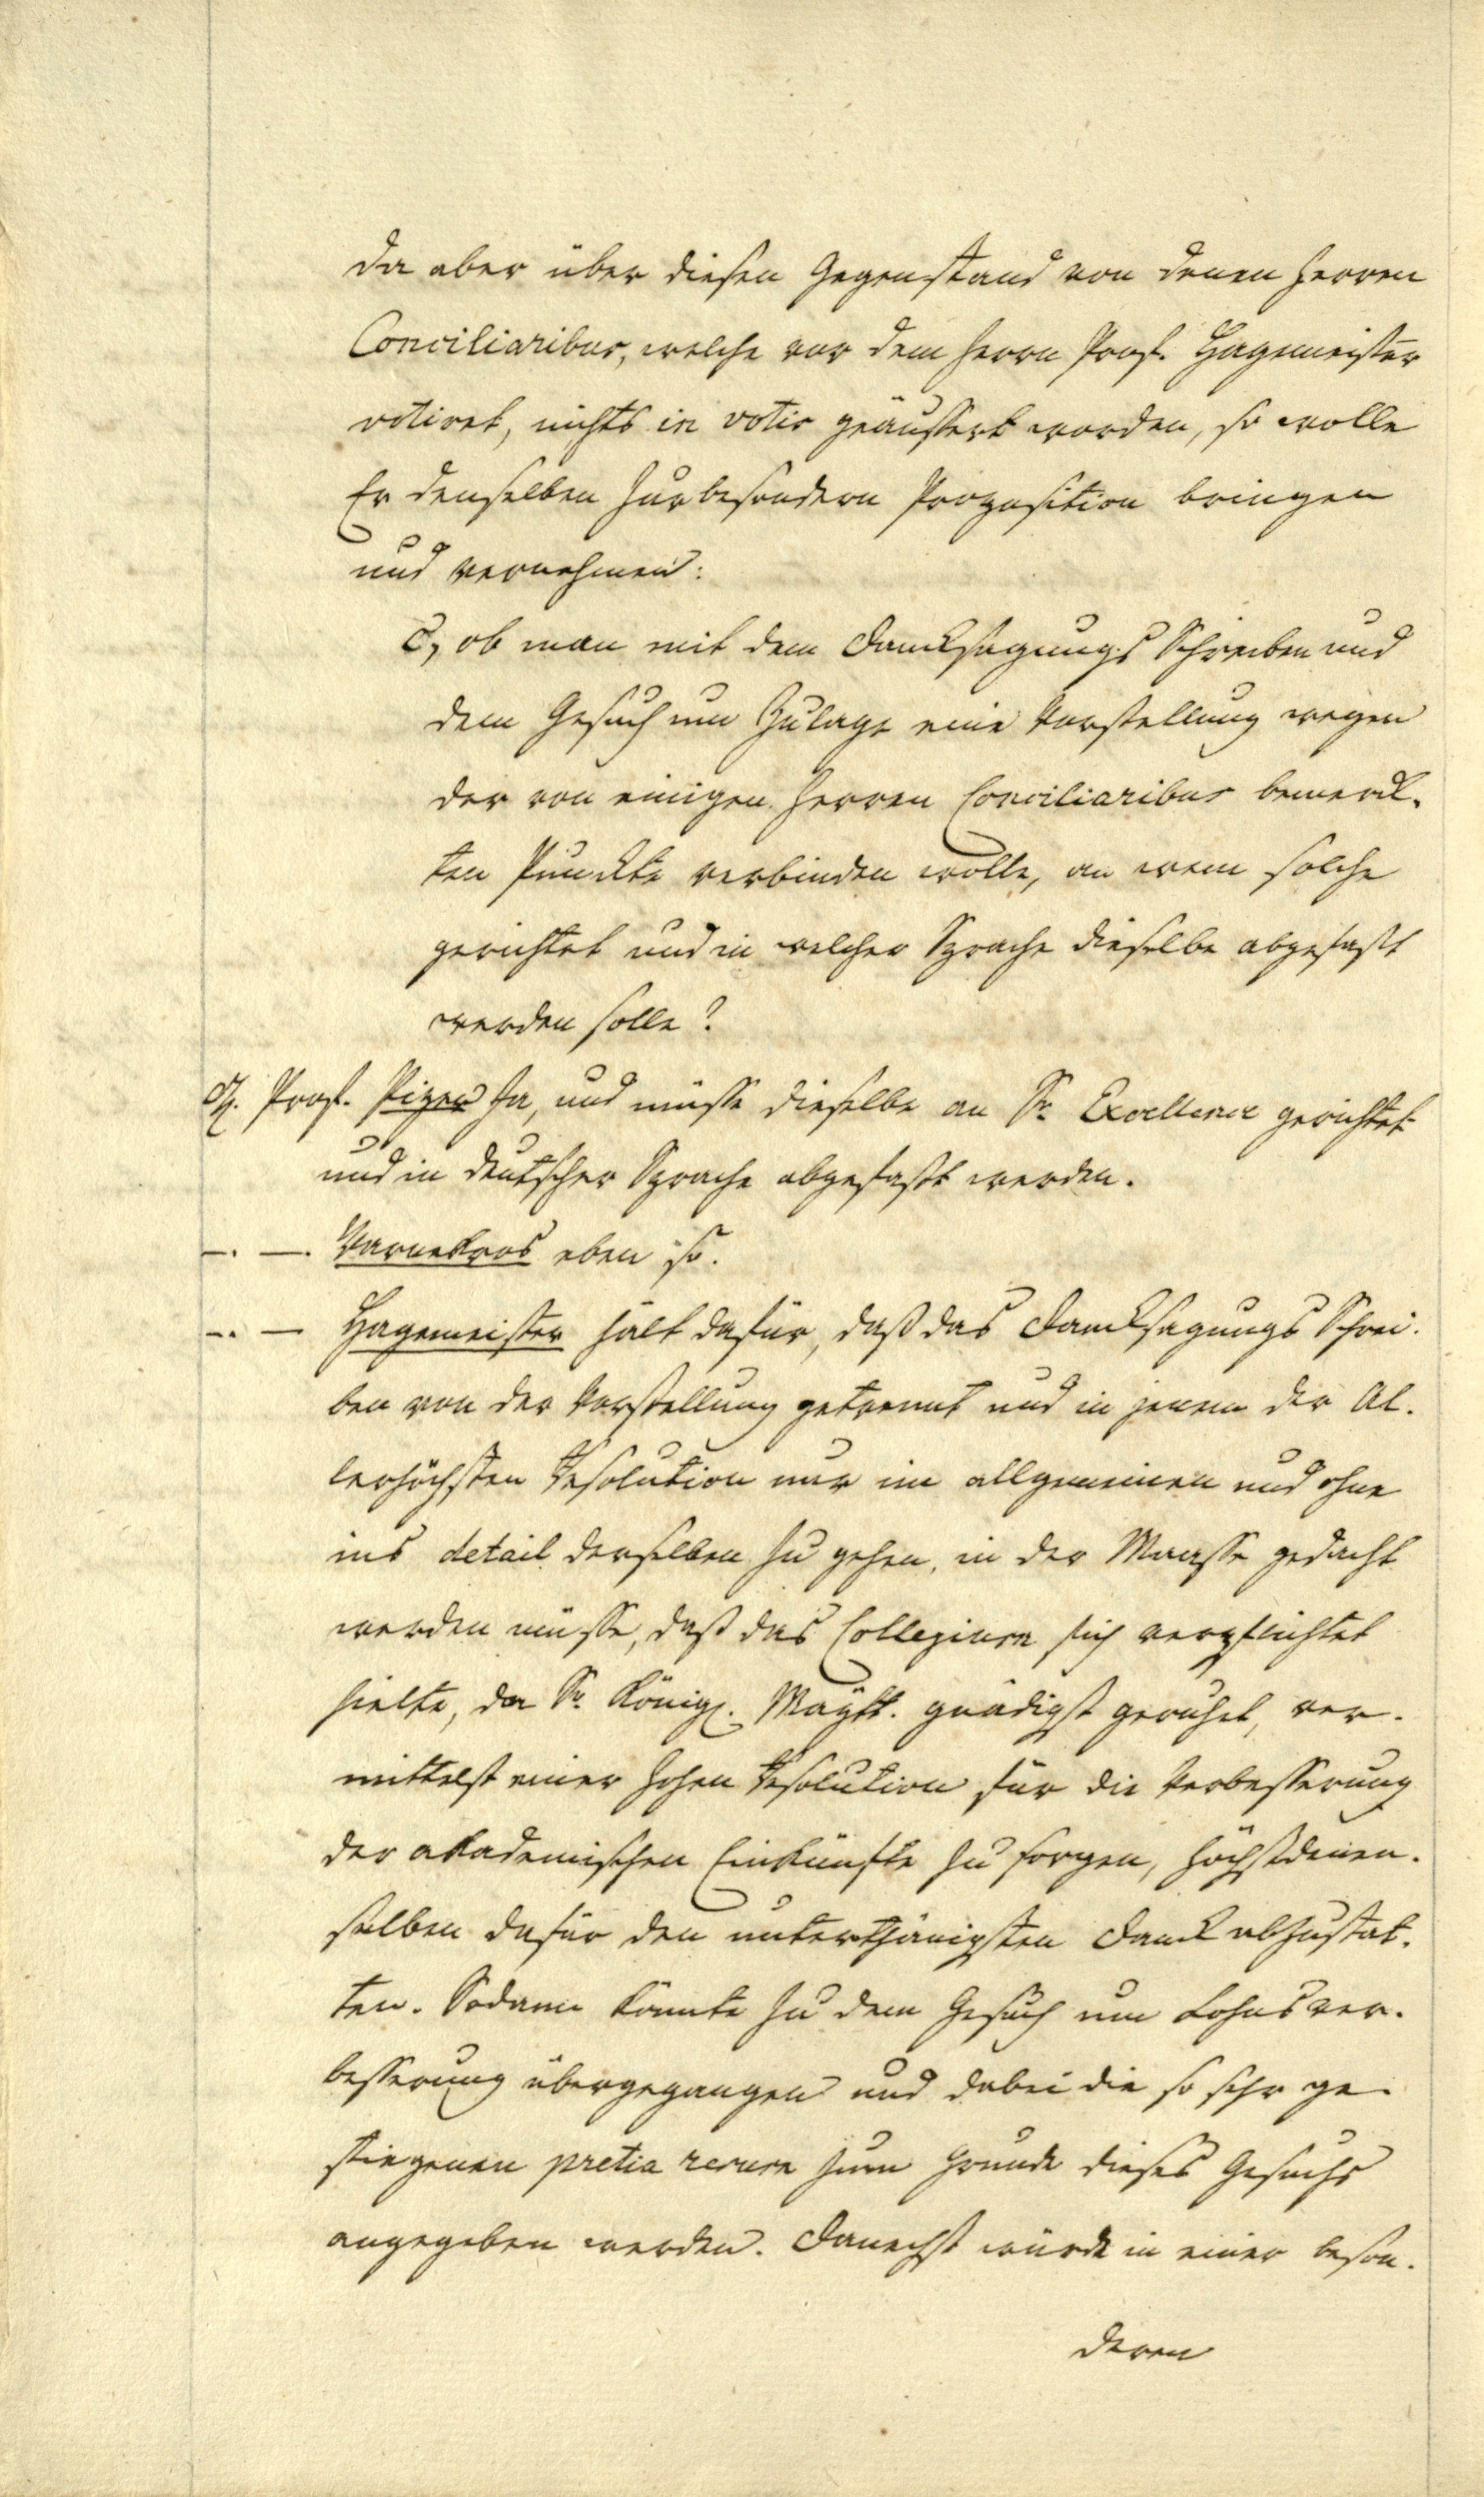da aber über diesen Gegenstand von denen Herren
Conciliaribus, welche vor dem Herrn Prof. Hagemeister
votiret, nichts in votis geäussert worden, so wolle
Er denselben zur besondern Proposition bringen
und vernehmen:
c, ob man mit dem Dancksagungs Schreiben und
dem Gesuch um Zulage eine Vorstellung wegen
der von einigen Herren Conciliaribus bemerck¬
ten Punckte verbinden wolle, an wem solche
gerichtet und in welcher Sprache dieselbe abgefaßt
werden solle?
dh. Prof. Piper Ja, und müsse dieselbe an Sr Excellence gerichtet
und in deutscher Sprache abgefaßt werden.
Warnekros eben so.
Hagemeister hält dafür, daß das Dancksagungs Schrei¬
ben von der Vorstellung getrennt und in jenem der Al¬
lerhöchsten Resolution nur im allgemeinen und ohne
ins detail derselben zu gehen, in der Maasse gedacht
werden müsse, daß das Collegium sich verpflichtet
hielte, da Sr Königl. Maÿtt. gnädigst geruhet, ver¬
mittelst einer Hohen Resolution für die Verbesserung
der akademischen Einkünfte zu sorgen, Höchstdenen¬
selben dafür den unterthänigten Danck abzustat¬
ten. Sodann könnte zu dem Gesuch um Lohnsver
besserung übergegangen und dabei die so sehr ge¬
stiegenen pretia rerum zum Grunde dieses Gesuchs
angegeben werden. Danechst würde in einer beson¬
deren